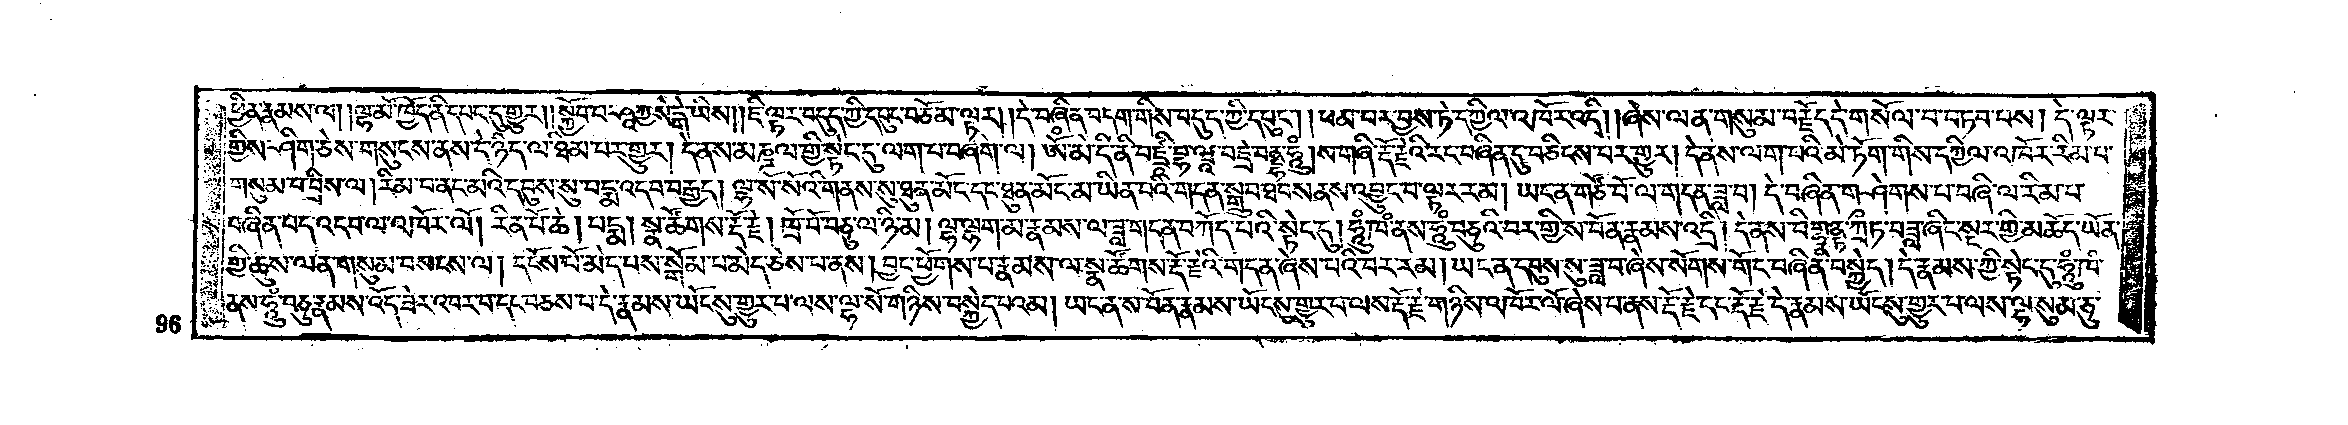ཕྱིན་རྣམས་ལ། །ལྷ་མོ་ཁྱོད་ནི་དཔང་དུ་གྱུར། །སྐྱོབ་པ་ཤཱཀྱ་སེངྒེ་ཡིས། །ཇི་ལྟར་བདུད་ཀྱི་དཔུང་བཅོམ་ལྟར། །དེ་བཞིན་བདག་གིས་བདུད་ཀྱི་དཔུང་། །ཕམ་པར་བྱས་ཏེ་དཀྱིལ་འཁོར་འདྲི། །ཞེས་ལན་གསུམ་བརྗོད་དེ་གསོལ་བ་བཏབ་པས། དེ་ལྟར་
གྱིས་ཤིག་ཅེས་གསུངས་ནས་དེ་ཉིད་ལ་ཐིམ་པར་གྱུར། དེ་ནས་མཎྜལ་གྱི་སྟེང་དུ་ལག་པ་བཞག་ལ། ཨོཾ་མེ་དི་ནི་བཛྲཱི་བྷ་ཝཱ་བཛྲ་བནྡྷ་ཧཱུཾ། ས་གཞི་རྡོ་རྗེའི་རང་བཞིན་དུ་བཅིངས་པར་གྱུར། དེ་ནས་ལག་པའི་མེ་ཏོག་གིས་དཀྱིལ་འཁོར་རིམ་པ་
གསུམ་པ་བྲིས་ལ། རིམ་པ་ནང་མའི་དབུས་སུ་པདམ་འདབ་བརྒྱད། ལྷ་སོ་སོའི་གནས་སུ་ཐུན་མོང་དང་ཐུན་མོང་མ་ཡིན་པའི་གདན་སྒྲུབ་ཐབས་ནས་འབྱུང་བ་ལྟར་རམ། ཡང་ན་གཙོ་བོ་ལ་གདན་ཟླ་བ། དེ་བཞིན་གཤེགས་པ་བཞི་ལ་རིམ་པ་
བཞིན་པད་འདབ་ལ་འཁོར་ལོ། རིན་པོ་ཆེ། པདམ། སྣ་ཚོགས་རྡོ་རྗེ། ཁྲོ་བོ་བཅུ་ལ་ཉི་མ། ལྷ་ལྷག་མ་རྣམས་ལ་ཟླ་གདན་བཀོད་པའི་སྟེང་དུ། ཧཱུཾ་ཁཾ་ནས་ཧཱུཾ་བཅུའི་བར་གྱི་ས་བོན་རྣམས་འདྲི། དེ་ནས་བིགྷྣནྟ་ཀྲྀཏ་བཟླ་ཞིང་སྔར་གྱི་མཆོད་ཡོན་
གྱི་ཆུས་ལན་གསུམ་བསངས་ལ། དངོས་པོ་མེད་པས་སྒོམ་པ་མེད་ཅེས་པ་ནས། བྱང་ཕྱོགས་པ་རྣམས་ལ་སྣ་ཚོགས་རྡོ་རྗེའི་གདན་ཞེས་པའི་བར་རམ། ཡང་ན་དབུས་སུ་ཟླ་བ་ཞེས་སོགས་གོང་བཞིན་བསྐྱེད། དེ་རྣམས་ཀྱི་སྟེང་དུ་ཧཱུཾ་ཁཾ་
ནས་ཧཱུཾ་བཅུ་རྣམས་འོད་ཟེར་འབར་བ་དང་བཅས་པ་དེ་རྣམས་ཡོངས་སུ་གྱུར་པ་ལས་ལྷ་སོ་གཉིས་བསྐྱེད་པའམ། ཡང་ན་ས་བོན་རྣམས་ཡོངས་སུ་གྱུར་པ་ལས་རྡོ་རྗེ་གཉིས་འཁོར་ལོ་ཞེས་པ་ནས་རྡོ་རྗེ་དང་རྡོ་རྗེ་དེ་རྣམས་ཡོངས་སུ་གྱུར་པ་ལས་ལྷ་སུམ་ཅུ་